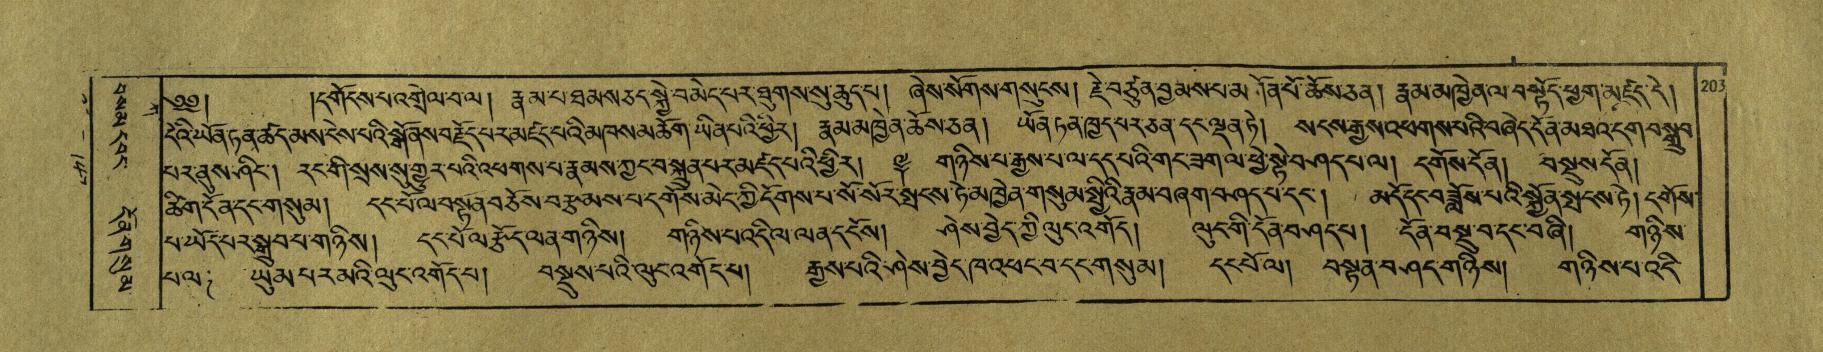༄༅། །དགོངས་པ་འགྲེལ་བ་ལ། རྣམ་པ་ཐམས་ཅད་སྐྱེ་བ་མེད་པར་ཐུགས་སུ་ཆུད་པ། ཞེས་སོགས་གསུངས། རྗེ་བཙུན་བྱམས་པ་མགོན་པོ་ཆོས་ཅན། རྣམ་མཁྱེན་ལ་བསྟོད་ཕྱག་མཛད་དེ།
དེའི་ཡོན་ཏན་ཚད་མས་ངེས་པའི་སྒོ་ནས་བརྗོད་པར་མཛད་པའི་མཁས་མཆོག་ཡིན་པའི་ཕྱིར། རྣམ་མཁྱེན་ཆོས་ཅན། ཡོན་ཏན་ཁྱད་པར་ཅན་དང་ལྡན་ཏེ། སངས་རྒྱས་འཕགས་པའི་བཞེད་དོན་མཐའ་དག་བསྒྲུབ་
པར་ནུས་ཤིང་། རང་གི་སྲས་སུ་གྱུར་པའི་འཕགས་པ་རྣམས་ཀྱང་བསྐྲུན་པར་མཛད་པའི་ཕྱིར། ༈ གཉིས་པ་རྒྱས་པ་ལ་དད་པའི་གང་ཟག་ལ་ཕྱེ་སྟེ་བཤད་པ་ལ། དགོས་དོན། བསྡུས་དོན།
ཚིག་དོན་དང་གསུམ། དང་པོ་ལ་བསྟན་བཅོས་བརྩམས་པ་དགོས་མེད་ཀྱི་དོགས་པ་སོ་སོར་སྤངས་ཏེ་མཁྱེན་གསུམ་སྤྱིའི་རྣམ་བཞག་བཤད་པ་དང་། མདོ་དང་བཟློས་པའི་སྐྱོན་སྤངས་ཏེ། དགོས་
པ་ཡོད་པར་སྒྲུབ་པ་གཉིས། དང་པོ་ལ་རྩོད་ལན་གཉིས། གཉིས་པ་འདི་ལ་ལན་དངོས། ཤེས་བྱེད་ཀྱི་ལུང་འགོད། ལུང་གི་དོན་བཤད་པ། དོན་བསྡུ་བ་དང་བཞི། གཉིས་
པ་ལ༑ ཡུམ་པར་མའི་ལུང་འགོད་པ། བསྡུས་པའི་ལུང་འགོད་པ། རྒྱས་པའི་ཤེས་བྱེད་ཁ་འཕང་བ་དང་གསུམ། དང་པོ་ལ། བསྟན་བཤད་གཉིས། གཉིས་པ་འདི་